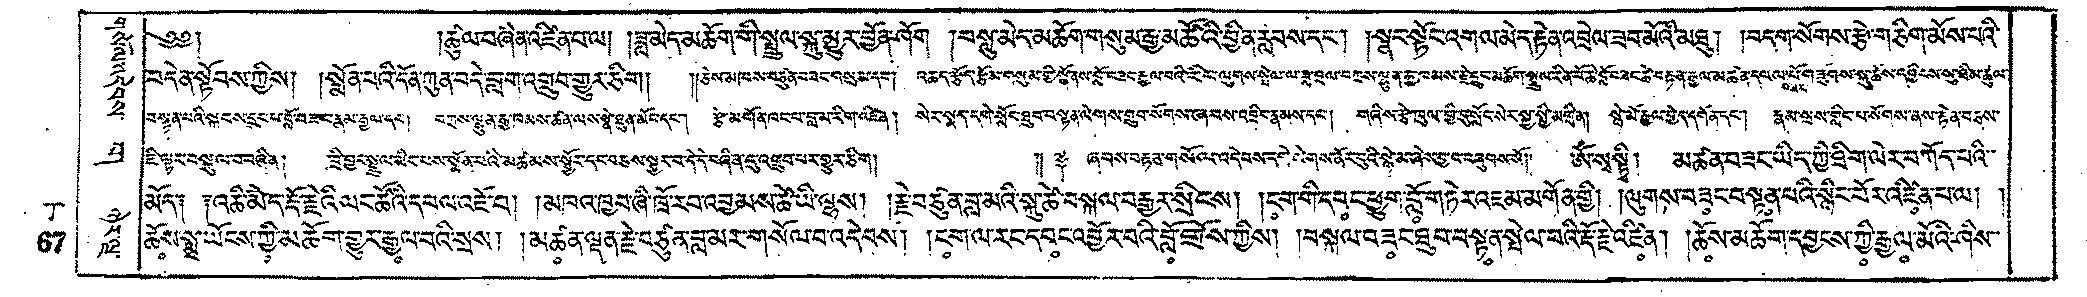༄༅། །ཚུལ་བཞིན་འཛིན་པ་ལ། །ཟླ་མེད་མཆོག་གི་སྤྲུལ་སྐུ་མྱུར་བྱོན་ཤོག །བསླུ་མེད་མཆོག་གསུམ་རྒྱ་མཚོའི་བྱིན་རླབས་དང་། །སྣང་སྟོང་འགལ་མེད་རྟེན་འབྲེལ་ཟབ་མོའི་མཐུ། །བདག་སོགས་རྩེ་གཅིག་མོས་པའི་
བདེན་སྟོབས་ཀྱིས། །སྨོན་པའི་དོན་ཀུན་བདེ་བླག་འགྲུབ་གྱུར་ཅིག། །།ཅེས་མཁས་བཙུན་བཟང་གསུམ་དང་། འཆད་རྩོད་རྩོམ་གསུམ་གྱི་སྒོ་ནས་བློ་བཟང་རྒྱལ་བའི་རིང་ལུགས་སྤེལ་ལ་ཟླ་བྲལ་བཀྲས་ལྷུན་རྒྱ་ཁམས་རྗེ་དྲུང་མཆོག་སྤྲུལ་རིན་པོ་ཆེ་བློ་བཟང་ཚེ་བརྟན་རྒྱལ་མཚན་དཔལ་བཟང་པོ་གཟུགས་སྐུ་ཆོས་དབྱིངས་སུ་ཐིམ་ཚུལ་
བསྟན་པའི་སྐབས་དྲུང་པ་བློ་བཟང་རྣམ་རྒྱལ་དང་། བཀྲས་ལྷུན་རྒྱ་ཁམས་ཚན་ལས་སྣེ་ཐུན་མོང་དང་། རྩེ་མགོན་ཁང་པ་བླ་མ་རིག་འཛིན། སེར་སྨད་དགེ་སློང་ཐུབ་བསྟན་ལེགས་གྲུབ་སོགས་ཞབས་འབྲིང་རྣམས་དང་། གཞིས་རྩེ་ཁུལ་གྱི་བུ་སློབ་སེར་སྐྱ་སྤྱི་མགྲིན། །སྙེ་མོ་རྒྱལ་བྱེད་དགོན་དང་། རྣམ་སྲས་གླིང་པ་སོགས་ནས་རྟེན་བཅས་
ཇི་ལྟར་བསྐུལ་བ་བཞིན། ཁྲི་བྱང་སྤྲུལ་མིང་པས་སྨོན་པའི་མཚམས་སྦྱོར་དང་བཅས་སྦྱར་བ་དེ་དེ་བཞིན་དུ་འགྲུབ་པར་གྱུར་ཅིག། །། འ་ཞབས་བརྟན་གསོལ་འདེབས་དགེ་ལེགས་ནོར་བུའི་སྙེ་མ་ཞེས་བྱ་བ་བཞུགས་སོ།། ཨོཾ་སྭསྟྭི། མཚན་བཟང་ཡིད་ཀྱི་ཐིག་ལེར་བཀོད་པའི་་་
མོད༑ ༑འཆི་མེད་རྡོ་རྗེའི་ལང་ཚོའི་དཔལ་འཇོ་བ། །མཁའ་ཁྱབ་ཞི་ཁྲོ་རབ་འབྱམས་ཚེ་ཡི་ལྷས། །རྗེ་བཙུན་བླ་མའི་སྐུ་ཚེ་བསྐལ་བརྒྱར་སྲིངས། །ངག྾་གི་དབང྾་ཕྱུག་བློ྾་གཏེར་འཇམ་མགོན་གྱི། །ལུགས་བཟང྾་བསྟན྾་པའི་སྙིང་པོར་འཛིན྾་པ་ལ། །
ཆོས྾་སྨྲ་ཡོངས་ཀྱི྾་མཆོག་གྱུར་རྒྱལ྾་བའི་སྲས། །མཚན྾་ལྡན་རྗེ་བཙུན་བླ་མར་གསོལ་བ་འདེབས། །ངག྾་ལ་རང་དབང྾་འབྱོར་བའི་བློ྾་གྲོས་ཀྱིས། །བསྐལ་བཟང྾་ཐུབ་བསྟན྾་སྤེལ་བའི་རྡོ་རྗེ་འཛིན྾། །ཆོས྾་མཆོག་དབྱངས་ཀྱི྾་རྒྱལ྾་མོའི་ཤིས་་་